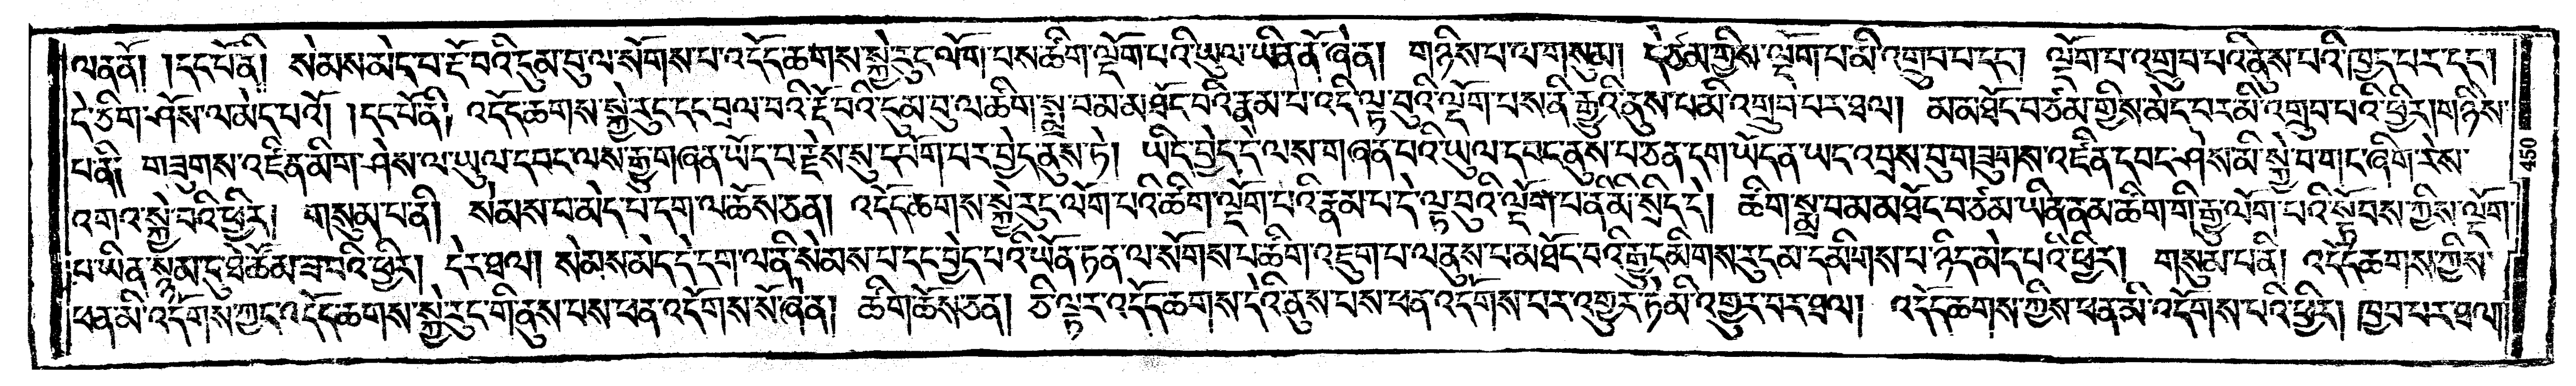ལན་ནོ། །དང་པོ་ནི། སེམས་མེད་པ་རྡོ་བའི་དུམ་བུ་ལ་སོགས་པ་འདོད་ཆགས་སྐྱེ་རུང་ལོག་པས་ཚིག་ལྡོག་པའི་ཡུལ་ཡིན་ནོ་ཞེ་ན། གཉིས་པ་ལ་གསུམ། དེ་ཙམ་གྱིས་ལྡོག་པ་མི་འགྲུབ་པ་དང་། ལྡོག་པ་འགྲུབ་པའི་ནུས་པའི་ཁྱད་པར་དང་།
དེ་ཅིག་ཤོས་ལ་མེད་པའོ། །དང་པོ་ནི། འདོད་ཆགས་སྐྱེ་རུང་དང་བྲལ་བའི་རྡོ་བའི་དུམ་བུ་ལ་ཚིག་སྨྲ་བ་མ་མཐོང་བའི་རྣམ་པ་འདི་ལྟ་བུའི་ལྡོག་པས་ནི་རྒྱུའི་ནུས་པ་མི་འགྲུབ་པར་ཐལ། མ་མཐོང་བ་ཙམ་གྱིས་མེད་པར་མི་འགྲུབ་པའི་ཕྱིར། གཉིས་
པ་ནི༑ གཟུགས་འཛིན་མིག་ཤེས་ལ་ཡུལ་དབང་ལས་རྒྱུ་གཞན་ཡོད་པ་རྗེས་སུ་དཔོག་པར་བྱེད་ནུས་ཏེ། ཡིད་བྱེད་དེ་ལས་གཞན་པའི་ཡུལ་དབང་ནུས་པ་ཅན་དག་ཡོད་ན་ཡང་འབྲས་བུ་གཟུགས་འཛིན་དབང་ཤེས་མི་སྐྱེ་བ་གང་ཞིག་རེས་
འགའ་སྐྱེ་བའི་ཕྱིར། གསུམ་པ་ནི། སེམས་བ་མེད་པ་དག་ལ་ཆོས་ཅན། འདོད་ཆགས་སྐྱེ་རུང་ལོག་པའི་ཚིག་ལྡོག་པའི་རྣམ་པ་དེ་ལྟ་བུའི་ལྡོག་པ་ནི་མི་སྲིད་དེ། ཚིག་སྨྲ་བ་མ་མཐོང་བ་ཙམ་ཡིན་ནམ་ཚིག་གི་རྒྱུ་ལོག་པའི་སྟོབས་ཀྱིས་ལོག་
པ་ཡིན་སྙམ་དུ་ཐེ་ཚོམ་ཟ་བའི་ཕྱིར། དེར་ཐལ། སེམས་མེད་དེ་དག་ལ་ནི་སེམས་པ་དང་བྱེད་པའི་ཡོན་ཏན་ལ་སོགས་པ་ཚིག་འཇུག་པ་ལ་ནུས་པ་མཐོང་བའི་རྒྱུ་དམིགས་རུད་མ་དམིགས་པ་ཉིད་མེད་པའི་ཕྱིར། གསུམ་པ་ནི། འདོད་ཆགས་ཀྱིས་
ཕན་མི་འདོགས་ཀྱང་འདོད་ཆགས་སྐྱེ་རུང་གི་ནུས་པས་ཕན་འདོགས་སོ་ཞེ་ན། ཚིག་ཆོས་ཅན། ཅི་ལྟར་འདོད་ཆགས་དེའི་ནུས་པས་ཕན་འདོགས་པར་འགྱུར་ཏེ་མི་འགྱུར་བར་ཐལ། འདོད་ཆགས་ཀྱིས་ཕན་མི་འདོགས་པའི་ཕྱིར། ཁྱབ་པར་ཐལ།